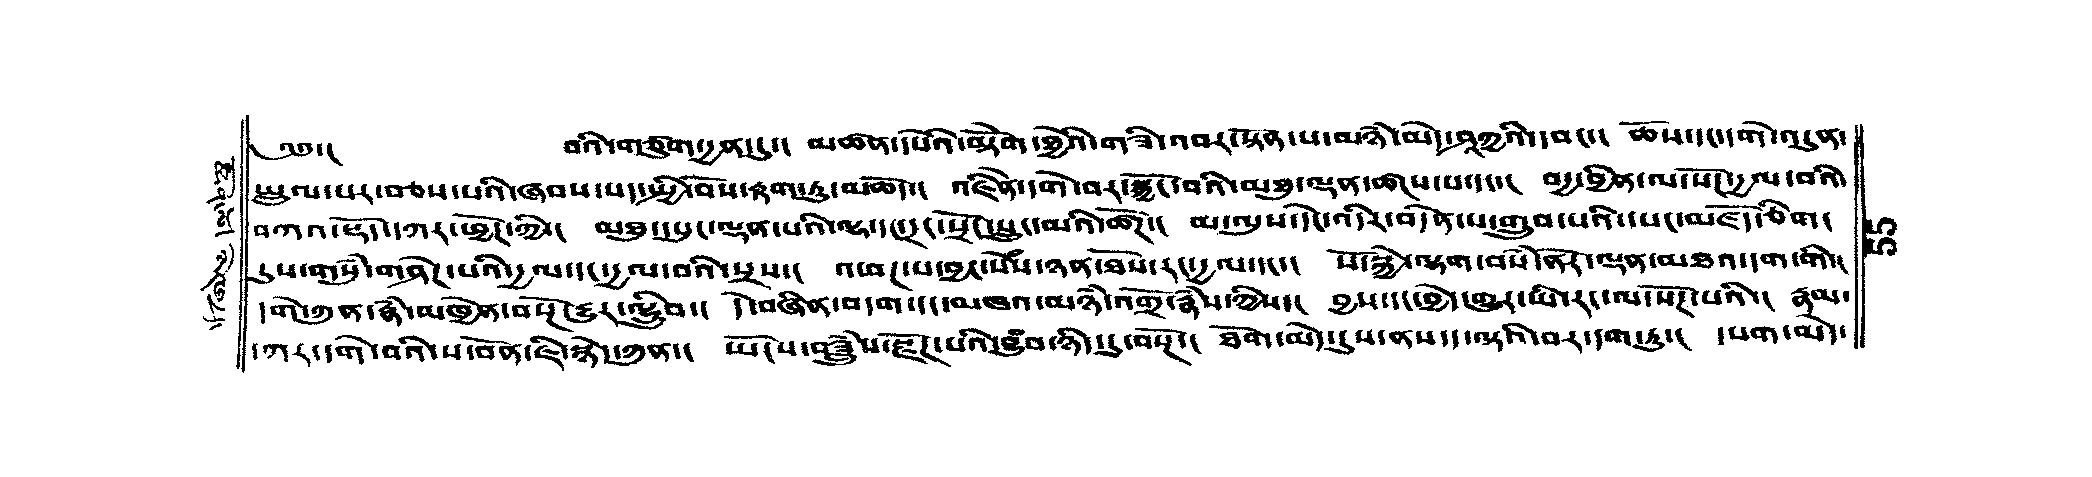བའི་གཙུག་རྒྱན་དུ། །མཚན་དཔེའི་མེ་ཏོག་ཐུགས་རྗེའི་གཟི་འབར་སྟོན་པ་མཉམ་མེད་ཤཱཀྱའི་དབང་། །ཆོས་དང་དགེ་འདུན་
སྤྲུལ་པར་བཅས་པའི་ཞབས་པད་སྤྱི་བོས་རྟག་ཏུ་མཆོད། །འཇིག་རྟེན་དགེ་བར་སྐྱོང་བའི་མཐུ་ལྡན་ཚངས་པ་དང་། །བརྒྱ་བྱིན་ལ་སོགས་རྒྱལ་བའི་
བཀའ་སྡོད་དཀར་ཕྱོགས་ཀྱི། །མཐུ་དཔུང་ལྡན་པའི་ལྷ་དང་དྲང་སྲོང་སྲུང་མའི་ཚོགས། །མ་ལུས་དེང་འདིར་བདེན་པ་གྲུབ་པའི་དཔང་མཛོད་ཅིག །
དུས་གསུམ་གཤེགས་པའི་རྒྱལ་དང་རྒྱལ་བའི་སྲས། །འཕགས་པ་བྱང་སེམས་ཉན་ཐོས་རང་རྒྱལ་དང་། །སོ་སྐྱེ་ལྷག་བསམ་ནོར་ལྡན་མཐའ་དག་གི །
དགེ་ཀུན་རྣམ་མཁྱེན་བསྔོ་རྒྱུར་ལྷུན་གྱིས་གྲུབ། །དེ་བཞིན་བདག་དང་མཁའ་མཉམ་འགྲོ་རྣམས་ཀྱིས། །བྱས་དང་བྱེད་གྱུར་ཡི་རང་ལ་སོགས་པའི། །རྣམ་
དཀར་དགེ་བའི་ས་བོན་ཇི་སྙེད་ཀུན། །ཡོངས་བཟླུམས་རྫོགས་པའི་བྱང་ཆུབ་ཉིད་དུ་བསྔོ། །ཐོག་མེད་དུས་ནས་ད་ལྟའི་བར་དག་ཏུ། །དཔག་མེད་